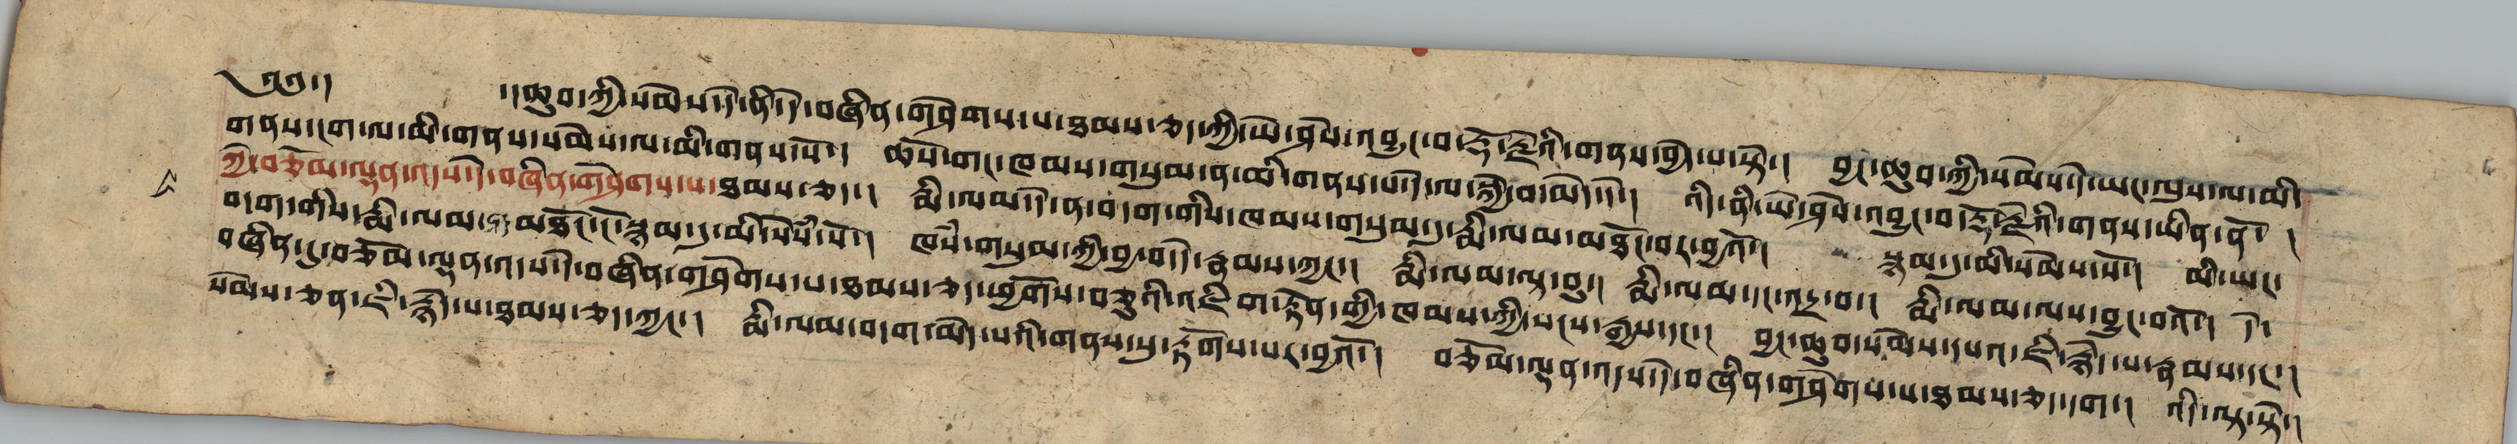༄༅་། ་།ཆུབ་ཀྱི་སེམས་དེ་ནི་དེ་བཞིན་གཤེགས་པ་ཐམས་ཅད་ཀྱི་ཡེ་ཤེས་འབྱུང་བ་རྡོ་རྗེའི་གནས་བྱེད་པ་སྟེ་། བྱང་ཆུབ་ཀྱི་སེམས་དེ་ཡང་ལུས་ལ་མི་
གནས་ངག་ལ་མི་གནས་སེམས་ལ་མི་གནས་སོ་། ཆོས་གང་ཁམས་གསུམ་ན་མི་གནས་པ་དེ་ལ་སྐྱེ་བ་མེད་དེ་། འདི་ནི་ཡེ་ཤེས་འབྱུང་བ་རྡོ་རྗེའི་གནས་ཡིན་ནོ་
ཀྱེ་བཅོམ་ལྡན་འདས་དེ་བཞིན་གཤེགས་པ་ཐམས་ཅད་། རྨི་ལམ་དེ་ན་བདག་གིས་ཁམས་གསུམ་དུ་རྨི་ལམ་མཐོང་བར་བྱའོ་། སྙམ་དུ་མི་སེམས་སོ་། མི་ཡང་
བདག་གིས་རྨི་ལམ་ མཐོང་ངོ་སྙམ་དུ་མི་སེཾས་སོ་། ཁཾས་གསུམ་གྱི་བྱ་བ་དེ་རྣམས་ཀྱང་། རྨི་ལམ་ལྟ་བུ་། རྨི་ལམ་དང་འདྲ་བ་། རྨི་ལམ་ལས་བྱུང་བའོ་། དེ་
བཞིན་དུ་བཅོམ་ལྡན་འདས་དེ་བཞིན་གཤེགས་པ་ཐམས་ཅད་ཕྱོགས་བཅུའི་འཇིག་རྟེན་གྱི་ཁམས་ཀྱི་སངས་རྒྱས་དང་། བྱང་ཆུབ་སེམས་དཔའ་ཇི་རྙེད་པ་རྣམས་དང་།
ཡཻས་ཅན་ཇི་རྙེད་པ་ཐམས་ཅད་ཀྱང་། རྨི་ལམ་བདག་མེད་པའི་གནས་སུ་རྟོགས་པར་བྱའོ་། བཅོམ་ལྡན་འདས་དེ་བཞིན་གཤེགས་པ་ཐམས་ཅད་དག་། འདི་ལྟ་སྟེ་